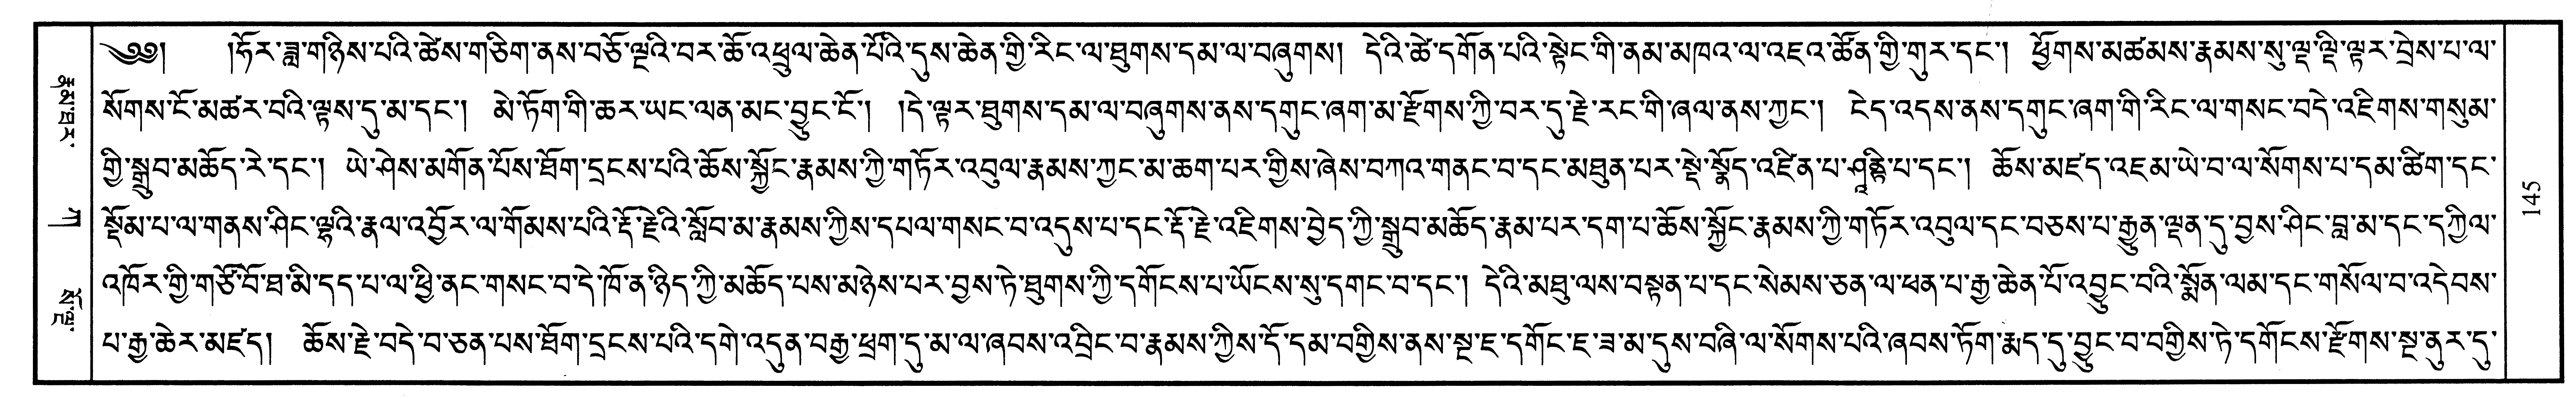༄༅། །ཧོར་ཟླ་གཉིས་པའི་ཚེས་གཅིག་ནས་བཅོ་ལྔའི་བར་ཆོ་འཕྲུལ་ཆེན་པོའི་དུས་ཆེན་གྱི་རིང་ལ་ཐུགས་དམ་ལ་བཞུགས། དེའི་ཚེ་དགོན་པའི་སྟེང་གི་ནམ་མཁའ་ལ་འཇའ་ཚོན་གྱི་གུར་དང་། ཕྱོགས་མཚམས་རྣམས་སུ་ལྡ་ལྡི་ལྟར་བྲེས་པ་ལ་
སོགས་ངོ་མཚར་བའི་ལྟས་དུ་མ་དང་། མེ་ཏོག་གི་ཆར་ཡང་ལན་མང་བྱུང་ངོ། །དེ་ལྟར་ཐུགས་དམ་ལ་བཞུགས་ནས་དགུང་ཞག་མ་རྫོགས་ཀྱི་བར་དུ་རྗེ་རང་གི་ཞལ་ནས་ཀྱང་། ངེད་འདས་ནས་དགུང་ཞག་གི་རིང་ལ་གསང་བདེ་འཇིགས་གསུམ་
གྱི་སྒྲུབ་མཆོད་རེ་དང་། ཡེ་ཤེས་མགོན་པོས་ཐོག་དྲངས་པའི་ཆོས་སྐྱོང་རྣམས་ཀྱི་གཏོར་འབུལ་རྣམས་ཀྱང་མ་ཆག་པར་གྱིས་ཞེས་བཀའ་གནང་བ་དང་།ཐུན་པར་སྡེ་སྣོད་འཛིན་པ་ཤཱནྟི་པ་དང་། ཆོས་མཛད་འཇམ་ཡེ་བ་ལ་སོགས་པ་དམ་ཚིག་དང་
སྡོམ་པ་ལ་གནས་ཤིང་ལྷའི་རྣལ་འབྱོར་ལ་གོམས་པའི་རྡོ་རྗེའི་སློབ་མ་རྣམས་ཀྱིས་དཔལ་གསང་བ་འདུས་པ་དང་རྡོ་རྗེ་འཇིགས་བྱེད་ཀྱི་སྒྲུབ་མཆོད་རྣམ་པར་དག་པ་ཆོས་སྐྱོང་རྣམས་ཀྱི་གཏོར་འབུལ་དང་བཅས་པ་རྒྱུན་ལྡན་དུ་བྱས་ཤིང་བླ་མ་དང་དཀྱིལ་
འཁོར་གྱི་གཙོ་བོ་ཐ་མི་དད་པ་ལ་ཕྱི་ནང་གསང་བ་དེ་ཁོ་ན་ཉིད་ཀྱི་མཆོད་པས་མཉེས་པར་བྱས་ཏེ་ཐུགས་ཀྱི་དགོངས་པ་ཡོངས་སུ་དགང་བ་དང་། དེའི་མཐུ་ལས་བསྟན་པ་དང་སེམས་ཅན་ལ་ཕན་པ་རྒྱ་ཆེན་པོ་འབྱུང་བའི་སྨོན་ལམ་དང་གསོལ་བ་འདེབས་
པ་རྒྱ་ཆེར་མཛད། ཆོས་རྗེ་བདེ་བ་ཅན་པས་ཐོག་དྲངས་པའི་དགེ་འདུན་བརྒྱ་ཕྲག་དུ་མ་ལ་ཞབས་འབྲིང་བ་རྣམས་ཀྱིས་དོ་དམ་བགྱིས་ནས་སྔ་ཇ་དགོང་ཇ་ཟ་མ་དུས་བཞི་ལ་སོགས་པའི་ཞབས་ཏོག་རྨད་དུ་བྱུང་བ་བགྱིས་ཏེ་དགོངས་རྫོགས་སྔ་ནུར་དུ་